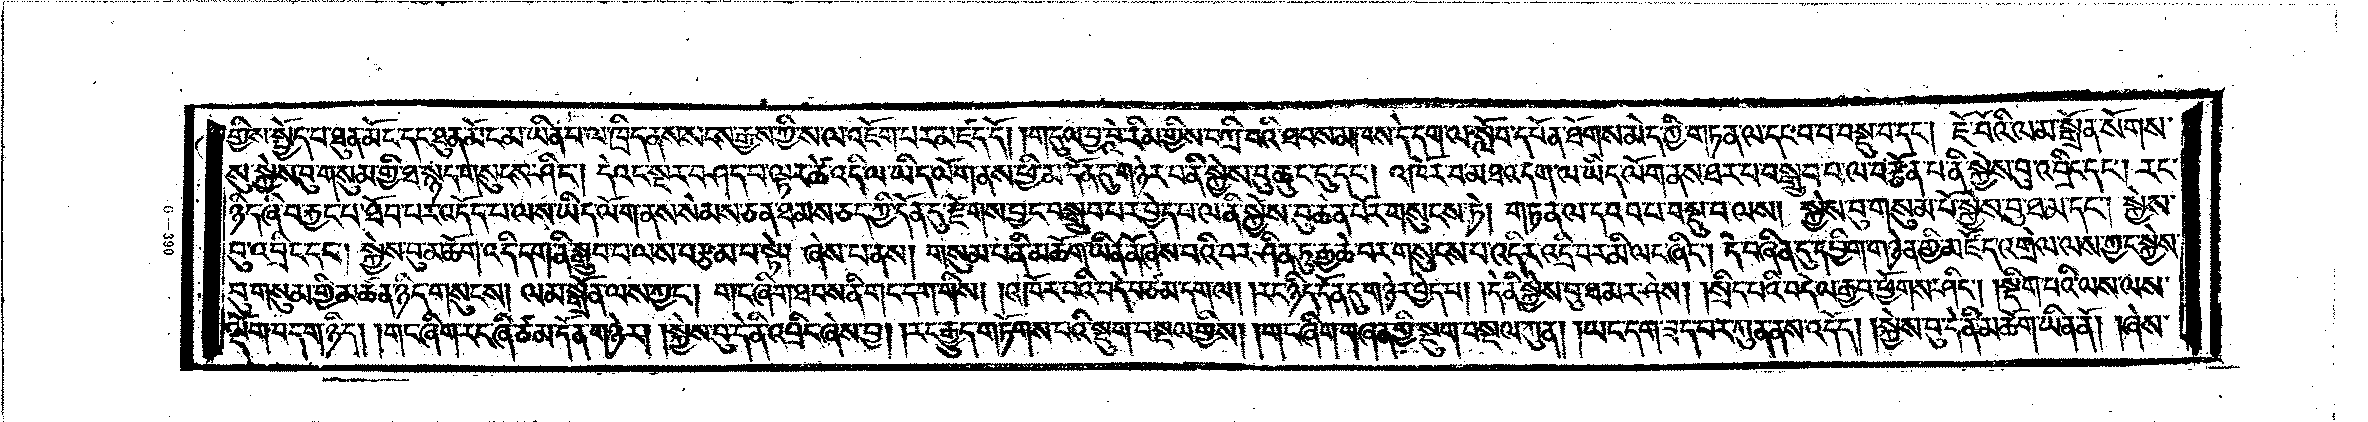གྱིས་སྤྱོད་པ་ཐུན་མོང་དང་ཐུན་མོང་མ་ཡིན་པ་ལ་ཁྲིད་ནས་སངས་རྒྱས་ཀྱི་ས་ལ་འཇོག་པར་མཛད་དོ། །གདུལ་བྱ་བE་རིམ་གྱིས་བཀྲི་བའི་ཐབས་མཁས་དེ་དག་ལ་སློབ་དཔོན་ཐོགས་མེད་ཀྱི་གཏན་ལ་དང་བབ་བསྡུ་བ་དང་། ཇོ་བོའི་ལམ་སྒྲོན་སོགས་
སུ་སྐྱེས་བུ་གསུམ་གྱི་ཐ་སྙད་གསུངས་ཤིང་། དེའང་སྔར་བཤད་པ་ལྟར་ཚེ་འདི་ལ་ཡིད་ལོག་ནས་ཕྱི་མ་དོན་དུ་གཉེར་བ་ནི་སྐྱེས་བུ་ཆུང་དུ་དང་། འཁོར་བ་མཐའ་དག་ལ་ཡིད་ལོག་ནས་ཐར་བ་བསྒྲུབ་པ་ལ་བརྩོན་པ་ནི་སྐྱེས་བུ་འབྲིང་དང་། རང་
ཉིད་ཞི་བ་རྐྱང་པ་ཐོབ་པར་འདོད་པ་ལས་ཡིད་ལོག་ནས་སེམས་ཅན་ཐམས་ཅད་ཀྱི་དོན་དུ་རྫོགས་བྱང་བསྒྲུབ་པར་བྱེད་པ་ལ་ནི་སྐྱེས་བུ་ཆེན་པོར་གསུངས་ཏེ། གཏན་ལ་དབབ་པ་བསྡུ་བ་ལས། སྐྱེས་བུ་གསུམ་པོ་སྐྱེས་བུ་ཐ་མ་དང་། སྐྱེས་
བུ་འབྲིང་དང་། སྐྱེས་བུ་མཆོག་འདི་དག་ནི་སྒྲུབ་པ་ལས་བརྩམ་པ་སྟེ། ཞེས་པ་ནས། གསུམ་པ་ནི་མཆོག་ཡིན་ནོ་ཞེས་པའི་བར་ཤིན་ཏུ་རྒྱ་ཆེ་བར་གསུངས་པ་འདིར་འདྲི་བར་མི་ལང་ཞིང་། དེ་བཞིན་དུ་དབྱིག་གཉེན་གྱི་མཛོད་འགྲེལ་ལས་ཀྱང་སྐྱེས་
བུ་གསུམ་གྱི་མཚན་ཉིད་གསུངས། ལམ་སྒྲོན་ལས་ཀྱང་། གང་ཞིག་ཐབས་ནི་གང་དག་གིས། །འཁོར་བའི་བདེ་བ་ཙམ་དག་ལ། །རང་ཉིད་དོན་དུ་གཉེར་བྱེད་པ། །དེ་ནི་སྐྱེས་བུ་ཐ་མར་ཤེས། །སྲིད་པའི་བདེ་ལ་རྒྱབ་ཕྱོགས་ཤིང་། །སྡིག་པའི་ལས་ལས་
ལྡོག་བདག་ཉིད། །གང་ཞིག་རང་ཞི་ཙམ་དོན་གཉིར། །སྐྱེས་བུ་དེ་ནི་འབྲིང་ཞེས་བྱ། །རང་རྒྱུད་གཏོགས་པའི་སྡུག་བསྔལ་གྱིས། །གང་ཞིག་གཞན་གྱི་སྡུག་བསྔལ་ཀུན། །ཡང་དག་ཟད་པར་ཀུན་ནས་འདོད། །སྐྱེས་བུ་དེ་ནི་མཆོག་ཡིན་ནོ། །ཞེས་